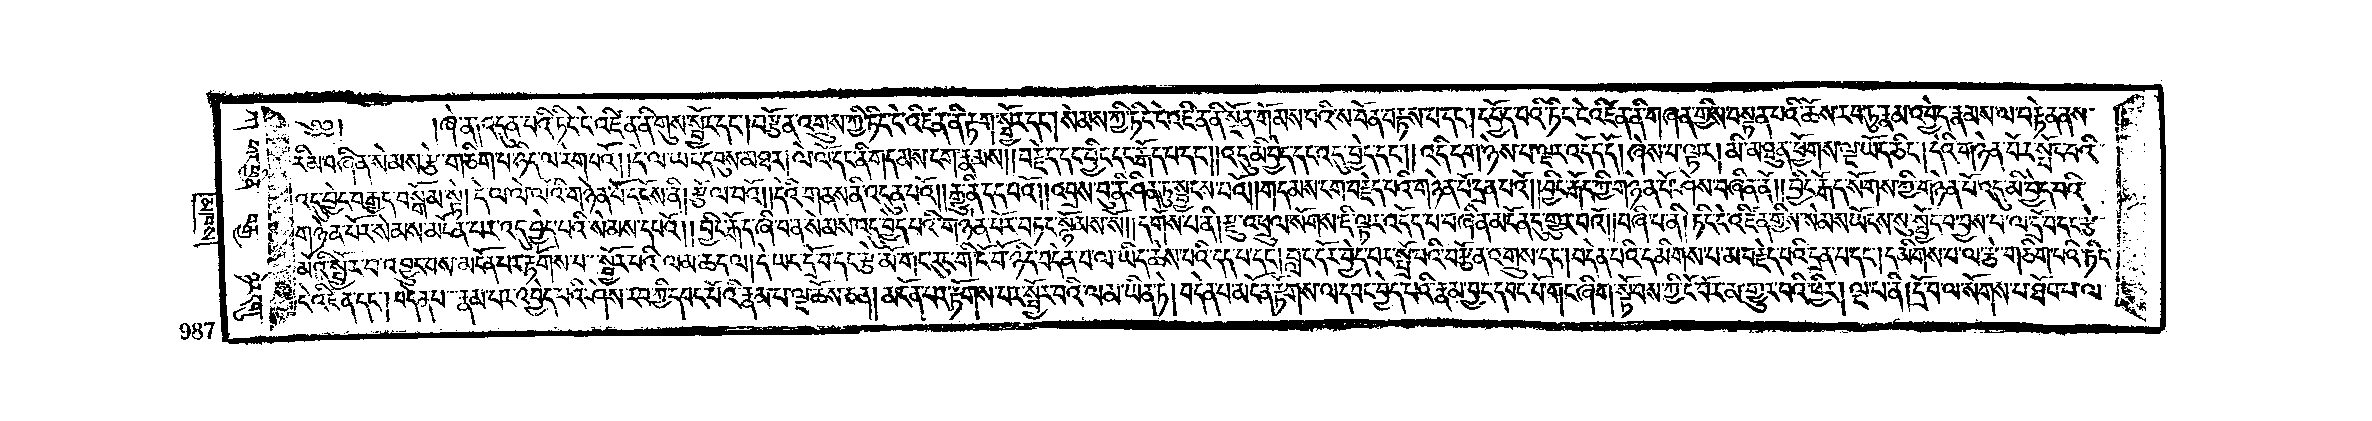༄༅། །ཞེ་ན། འདུན་པའི་ཏིང་ངེ་འཛིན་ནི་གུས་སྦྱོར་དང་། བརྩོན་འགྲུས་ཀྱི་ཏིང་ངེ་འཛིན་ནི་རྟག་སྦྱོར་དང་། སེམས་ཀྱི་ཏིང་ངེ་འཛིན་ནི་སྔོན་གོམས་པའི་ས་བོན་བརྟས་པ་དང་། དཔྱོད་པའི་ཏིང་ངེ་འཛིན་ནི་གཞན་གྱིས་བསྟན་པའི་ཆོས་རབ་ཏུ་རྣམ་འབྱེད་རྣམས་ལ་བརྟེན་ནས་
རིམ་བཞིན་སེམས་རྩེ་གཅིག་པ་ཉིད་ལ་རིག་པའོ། །དེ་ལ་ཡང་དབུས་མཐར། ལེ་ལོ་དང་ནི་གདམས་ངག་རྣམས། །བརྗེད་དང་བྱིང་དང་རྒོད་པ་དང་། །འདུ་མི་བྱེད་དང་འདུ་བྱེད་དང་། །འདི་དག་ཉེས་པ་ལྔར་འདོད་དོ། ཞེས་པ་ལྟར། མི་མཐུན་ཕྱོགས་ལྔ་ཡོད་ཅིང་། དེའི་གཉེན་པོར་སྤོང་པའི་
འདུ་བྱེད་བརྒྱད་བསྒོམ་སྟེ། དེ་ལ་ལེ་ལོའི་གཉེན་པོ་དངོས་ནི། རྩོལ་བའོ། །དེའི་གནས་ནི་འདུན་པའོ། །རྒྱུ་ནི་དད་པའོ། །འབྲས་བུ་ནི་ཤིན་ཏུ་སྦྱངས་པའོ། །གདམས་ངག་བརྗེད་པའི་གཉེན་པོ་དྲན་པའོ། །བྱིང་རྒོད་ཀྱི་གཉེན་པོ་ཤེས་བཞིན་ནོ། །བྱིང་རྒོད་སོགས་ཀྱི་གཉེན་པོ་འདུ་མི་བྱེད་པའི་
གཉེན་པོར་སེམས་མངོན་པར་འདུ་བྱེད་པའི་སེམས་དཔའོ། །བྱིང་རྒོད་ཞི་བ་ན་སེམས་འདུ་བྱེད་པའི་གཉེན་པོར་བཏང་སྙོམས་སོ། །དགོས་པ་ནི། རྫུ་འཕྲུལ་སོགས་ཇི་ལྟར་འདོད་པ་བཞིན་མངོན་དུ་གྱུར་པའོ། །བཞི་པ་ནི། ཏིང་ངེ་འཛིན་གྱིས་སེམས་ཡོངས་སུ་སྦྱོང་བ་བྱས་པ་ལ་དྲོ་བ་དང་རྩེ་
མོའི་སྦྱོར་བ་འབྱུང་པས་མངོན་པར་རྟོགས་པ་སྦྱོར་པའི་ལམ་ཆད་ལ། དེ་ཡང་དྲོ་བ་དང་རྩེ་མོ་གང་རུང་གི་ངོ་བོ་ཉིད་བདེན་པ་ལ་ཡིད་ཆེས་པའི་དད་པ་དང་། བླང་དོར་བྱེད་པར་སྤྲོ་བའི་བརྩོན་འགྲུས་དང་། བདེན་པའི་དམིགས་པ་མ་བརྗེད་པའི་དྲན་པ་དང་། དམིགས་པ་ལ་རྩེ་གཅིག་པའི་ཏིང་
ངེ་འཛིན་དང་། བདེན་པ་རྣམ་པར་འབྱེད་པའི་ཤེས་རབ་ཀྱི་དབང་པོའི་རྣམ་པ་ལྔ་ཆོས་ཅན། མངོན་པར་རྟོགས་པར་སྦྱོར་བའི་ལམ་ཡིན་ཏེ། བདེན་པ་མངོན་རྟོགས་ལ་དབང་བྱེད་པའི་རྣམ་བྱང་དབང་པོ་གང་ཞིག་སྟོབས་ཀྱི་ངོ་བོར་མ་གྱུར་བའི་ཕྱིར། ལྔ་པ་ནི། དྲོ་བ་ལ་སོགས་པ་ཐོབ་པ་ལ་